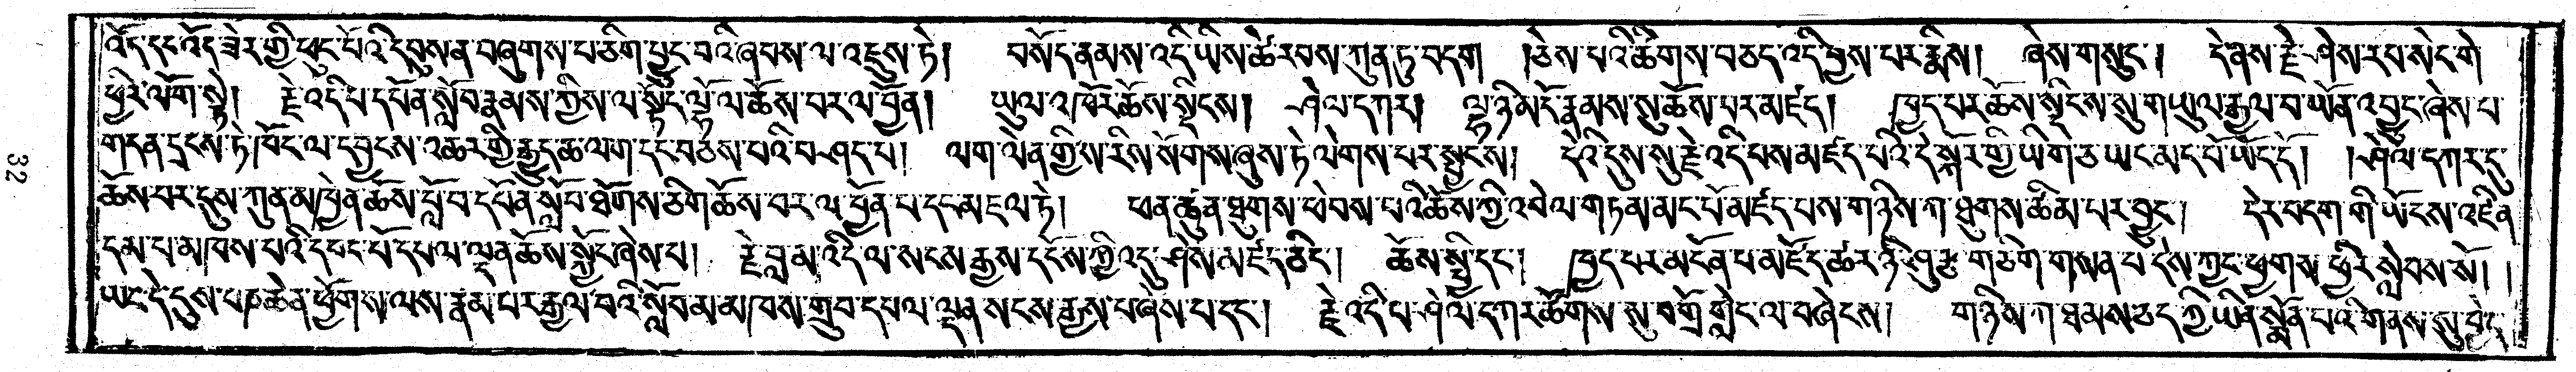འོད་དང་འོད་ཟེར་གྱི་ཕུང་པོའི་དབུས་ན་བཞུགས་པ་ཅིག་བྱུང་བའི་ཞབས་ལ་འཇུས་ཏེ། བསོད་ནམས་འདི་ཡིས་ཚེ་རབས་ཀུན་ཏུ་བདག །ཅེས་པའི་ཚིགས་བཅད་འདི་བྱས་པར་རྨིས། ཞེས་གསུང་། དེ་ནས་རྗེ་ཤེས་རབ་སེང་གེ་
ཕྱིར་ལོག་སྟེ། རྗེ་འདི་པ་དཔོན་སློབ་རྣམས་ཀྱིས་ལ་སྟོད་ལྷོ་ལ་ཆོས་བར་ལ་བྱོན། ཡུལ་འཁོར་ཆོས་སྡིངས། ཤེལ་དཀར། ལྷ་ཉི་མོང་རྣམས་སུ་ཆོས་པར་མཛད། ཁྱད་པར་ཆོས་སྡིངས་སུ་གཡུལ་རྒྱལ་བ་ཡོན་འབྱུང་ཞེས་པ་
གདན་དྲངས་ཏེ་ཁོང་ལ་དབྱངས་འཆར་གྱི་རྒྱུད་ཆ་ལག་དང་བཅས་པའི་བཤད་པ། ལག་ལེན་གྱིས་རིས་སོགས་ཞུས་ཏེ་ལེགས་པར་སྤྱངས། དེའི་དུས་རྗེ་འདི་པས་མཛད་པའི་དེ་སྐོར་གྱི་ཡིག་ཅ་ཡང་མང་པོ་ཡོད་དོ། །ཤེལ་དཀར་དུ་
ཆོས་པར་དུས་ཀུན་མཁྱེན་ཆོས་བློ་བ་དཔོན་སློབ་ཐོགས་ཅིག་ཆོས་བར་ལ་བྱོན་པ་དང་མཇལ་ཏེ། ཕན་ཚུན་ཐུགས་ཕེབས་པའི་ཆོས་ཀྱི་འབེལ་གཏམ་མང་པོ་མཛད་པས་གཉིས་ཀ་ཐུགས་ཚིམ་པར་བྱུང་། དེར་བདག་གི་ཡོངས་འཛིན་
དམ་པ་མཁས་པའི་དབང་པོ་དཔལ་ལྡན་ཆོས་སྐྱོང་ཞེས་པ། རྗེ་བླ་མ་འདི་ལ་སངས་རྒྱས་དངོས་ཀྱི་འདུ་ཤེས་མཛད་ཅིང་། ཆོས་སྤྱི་དང་། ཁྱད་པར་མངོན་པ་མཛོད་ཚར་ཉི་ཤུ་རྩ་གཅིག་གསན་པ་དེས་ཀྱང་ཕྱགས་ཕྱིར་སླེབས་སོ། །
ཡང་དེ་དུས་པཎ་ཆེན་ཕྱོགས་ལས་རྣམ་པར་རྒྱལ་བའི་སློབ་མ་མཁས་གྲུབ་དཔལ་ལྡན་སངས་རྒྱས་པ་ཞེས་པ་དང་། རྗེ་འདི་པ་ཤེལ་དཀར་ཚོགས་སུ་བགྲོ་གླེང་ལ་བཞེངས། གཉིས་ཀ་ཐམས་ཅད་ཀྱི་ཡིན་སྨོན་པའི་གནས་སུ་བྱེད་